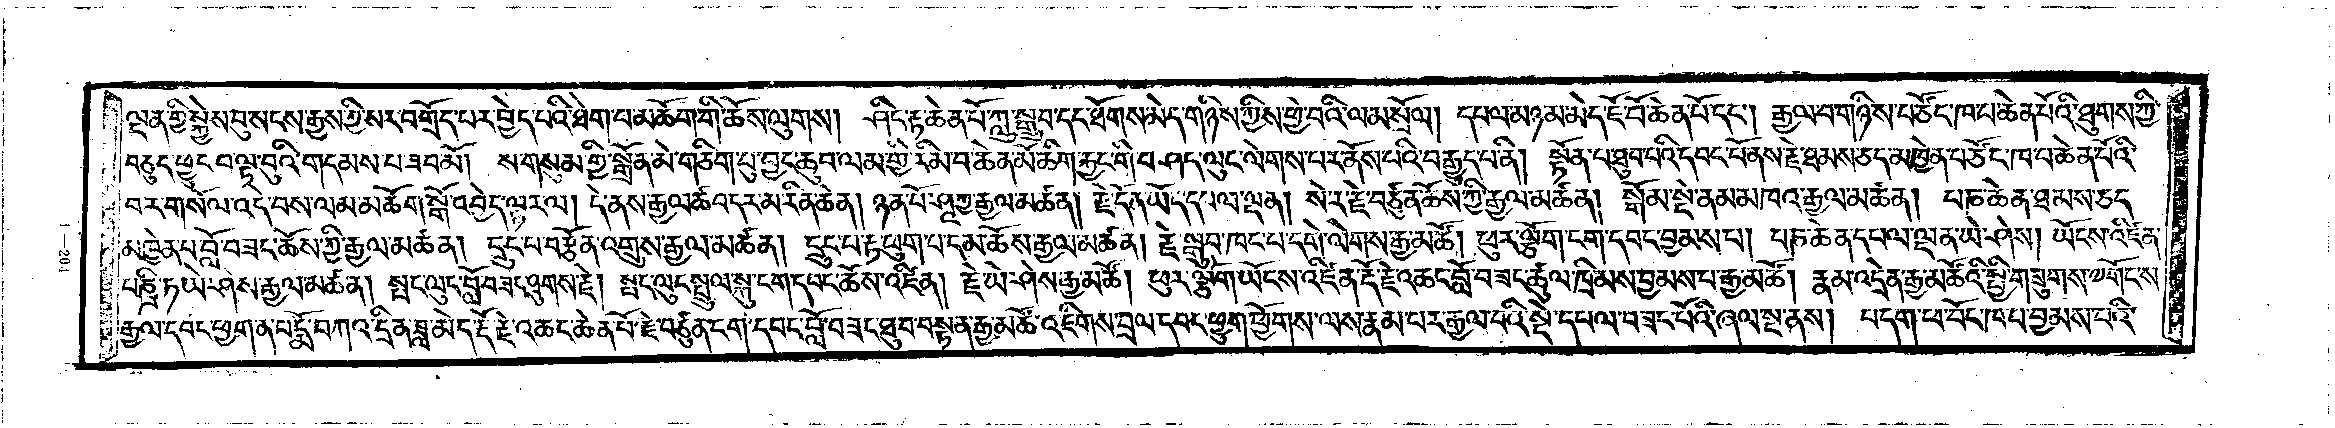ལྡན་གྱི་སྐྱེས་བུ་སངས་རྒྱས་ཀྱི་སར་བགྲོད་པར་བྱེད་པའི་ཐེག་པ་མཆོག་གི་ཆོས་ལུགས། ཤིང་རྟ་ཆེན་པོ་ཀླུ་སྒྲུབ་དང་ཐོགས་མེད་གཉིས་ཀྱིས་ཕྱེ་བའི་ལམ་སྲོལ། དཔལ་མཉམ་མེད་ཇོ་བོ་ཆེན་པོ་དང་། རྒྱལ་བ་གཉིས་པ་ཙོང་ཁ་པ་ཆེན་པོའི་ཐུགས་ཀྱི་
བཅུད་ཕྱུང་བ་ལྟ་བུའི་གདམས་པ་ཟབ་མོ། ས་གསུམ་གྱི་སྒྲོན་མེ་གཅིག་པུ་བྱང་ཆུབ་ལམ་གྱི་རིམ་པ་ཆེན་མོ་ཆིག་རྐྱང་གི་བཤད་ལུང་ལེགས་པར་ནོས་པའི་བརྒྱུད་པ་ནི། སྟོན་པ་ཐུབ་པའི་དབང་པོ་ནས་རྗེ་ཐམས་ཅད་མཁྱེན་བཙོང་ཁ་པ་ཆེན་པོའི་
བར་གསོལ་འདེ་བས་ལམ་མཆོག་སྒོ་འབྱེད་ལྟར་ལ། དེ་ནས་རྒྱལ་ཚབ་དར་མ་རིན་ཆེན། ཉན་པོ་ཤཱཀྱ་རྒྱལ་མཚན། རྗེ་དོན་ཡོད་དཔལ་ལྡན། སེ་ར་རྗེ་བཙུན་ཆོས་ཀྱི་རྒྱལ་མཚན། སྒོམ་སྡེ་ནམ་མཁའ་རྒྱལ་མཚན། པཎ་ཆེན་ཐམས་ཅད་
མཁྱེན་པ་བློ་བཟང་ཆོས་ཀྱི་རྒྱལ་མཚན། དྲུང་པ་བརྩོན་འགྲུས་རྒྱལ་མཚན། དྲུང་པ་རྟ་ཕུག་པ་དམ་ཆོས་རྒྱལ་མཚན། རྗེ་སྒྲུབ་ཁང་པ་དགེ་ལེགས་རྒྱ་མཚོ། ཕུར་ལྕོག་ངག་དབང་བྱམས་པ། པཎ་ཆེན་དཔལ་ལྡན་ཡེ་ཤེས། ཡོངས་འཛིན་
པཎྜི་ཏ་ཡེ་ཤེས་རྒྱལ་མཚན། སྤང་ལུང་བློ་བཟང་ཤུགས་རྗེ། སྤང་ལུང་སྤྲུལ་སྐུ་ངག་དབང་ཆོས་འཛིན། རྗེ་ཡེ་ཤེས་རྒྱ་མཚོ། ཕུར་ལྕོག་ཡོངས་འཛིན་རྡོ་རྗེ་འཆང་བློ་བཟང་ཚུལ་ཁྲིམས་བྱམས་པ་རྒྱ་མཚོ། རྣམ་འདྲེན་རྒྱ་མཚོའི་སྤྱི་གཟུགས ༧གོང་ས་
རྒྱལ་དབང་ཕྱག་ན་པདམོ་བཀའ་དྲིན་ཟླ་མེད་རྡོ་རྗེ་འཆང་ཆེན་པོ་རྗེ་བཙུན་ངག་དབང་བློ་བཟང་ཐུབ་བསྟན་རྒྱ་མཚོ་འཇིགས་བྲལ་དབང་ཕྱུག་ཕྱོགས་ལས་རྣམ་པར་རྒྱལ་བའི་སྡེ་དཔལ་བཟང་པོའི་ཞལ་སྔ་ནས། བདག་ཕ་བོང་ཁ་པ་བྱམས་པའི་